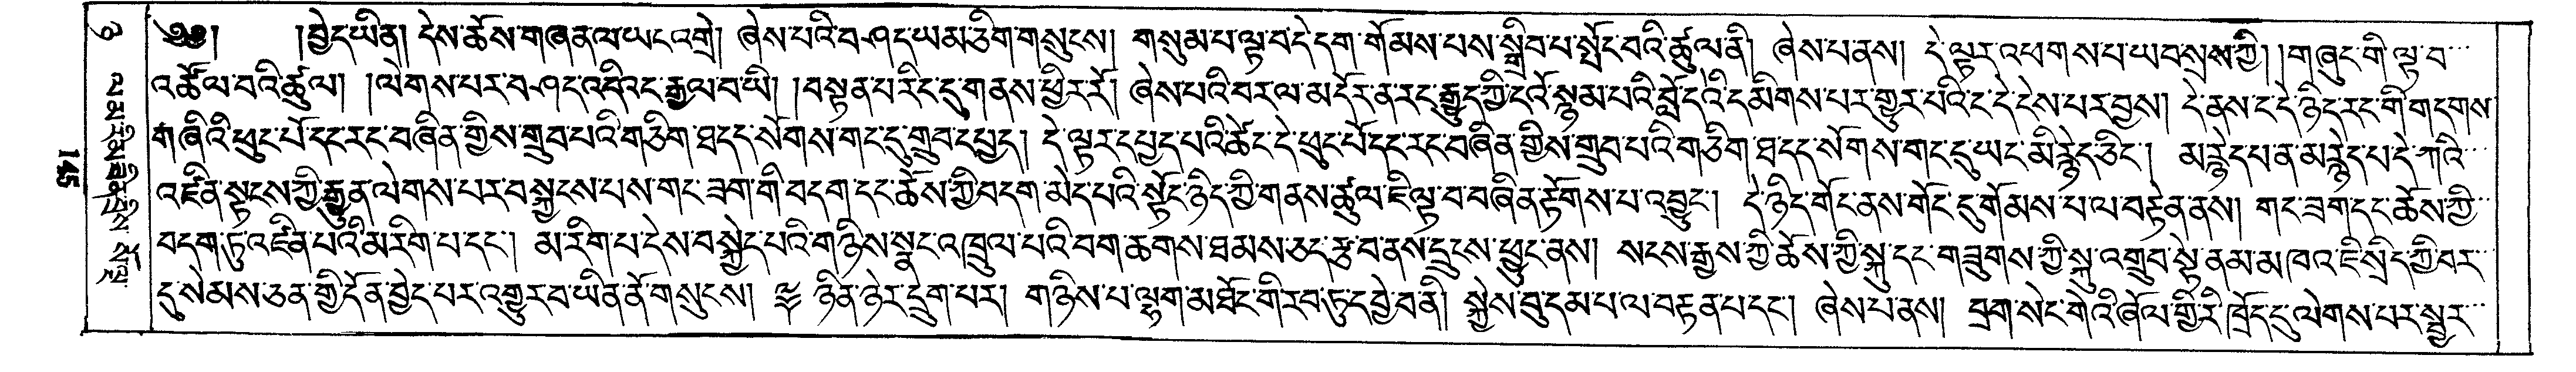༄༅། །བྱེད་ཡིན། །དེས་ཆོས་གཞན་ལ་ཡང་འགྲེ། ཞེས་པའི་བཤད་ཡམ་ཅིག་གསུངས། གསུམ་པ་ལྟ་བུ་དེ་དག་གོམས་པས་སྒྲིབ་པ་སྤོང་བའི་ཚུལ་ནི། ཞེས་པ་ནས། དེ་ལྟར་འཕགས་པ་ཡབ་སྲས་ཀྱི། །གཞུང་གི་ལྟ་བ་
འཚོལ་བའི་ཚུལ། །ལེགས་པར་བཤད་དིའང་རྒྱལ་བ་ཡི། །བསྟན་པ་རིང་དུ་གནས་ཕྱིར་རོ། ཞེས་པའི་བར་ལ་མདོར་ན་རང་རྒྱུད་ཀྱི་ངའོ་སྙམ་པའི་བློ་དའི་དམིགས་པར་གྱུར་པའི་ད་དེ་ངེས་པར་བྱས། དེ་ནས་ད་དེ་ཉེད་རང་གི་གདགས་
གཞིའི་ཕུང་པོ་དང་རང་བཞིན་གྱིས་གྲུབ་པའི་གཅིག་ཐ་དད་སོགས་གང་དུ་གྲུབ་དཔྱད། དེ་ལྟར་དཔྱད་པའི་ཚེན་དེ་ཕུང་པོ་དང་རང་བཞིན་གྱིས་གྲུབ་པའི་གཅིག་ཐ་དད་སོགས་གང་དུ་ཡང་མི་རྙེད་ཅིང་། མ་རྙེད་པ་ན་མ་རྙེད་པ་དེ་ཀའི་
འཛིན་སྟངས་ཀྱི་རྒྱུན་ལེགས་པར་བསྐྱངས་པས་གང་ཟག་གི་བདག་དང་ཆོས་ཀྱི་བདག་མེད་པའི་སྟོང་ཉིད་ཀྱི་གནས་ཚུལ་ཇི་ལྟ་བ་བཞིན་རྟོགས་པ་འབྱུང་། དེ་ཉིད་གོང་ནས་གོང་དུ་གོམས་པ་ལ་བརྟེན་ནས། གང་ཟག་དང་ཆོས་ཀྱི་
བདག་ཏུ་འཛིན་པའི་མ་རིག་པ་དང་། མ་རིག་པ་དེས་བསྐྱེད་པའི་གཉིས་སྣང་འཁྲུལ་པའི་བག་ཆགས་ཐམས་ཅད་རྩ་བ་ནས་དྲུངས་ཕྱུང་ནས། སངས་གྱས་ཀྱི་ཆོས་ཀྱི་སྐུ་དང་གཟུགས་ཀྱི་སྐུ་འགྲུབ་སྟེ་ནམ་མཁའ་ཇི་སྲིད་ཀྱི་བར་
དུ་སེམས་ཅན་གྱི་དོན་བྱེད་པར་འགྱུར་བ་ཡིན་ནོ་གསུངས། ༈ ཉིན་ཉེར་དྲུག་པར། གཉིས་པ་ལྷག་མཐོང་གི་རབ་ཏུ་དབྱེ་བ་ནི། སྐྱེས་བུ་དམ་པ་ལ་བརྟེན་པ་དང་། ཞེས་པ་ནས། བྲག་སེངྒེའི་ཞོལ་གྱི་རི་ཁྲོད་དུ་ལེགས་པར་སྦྱར་